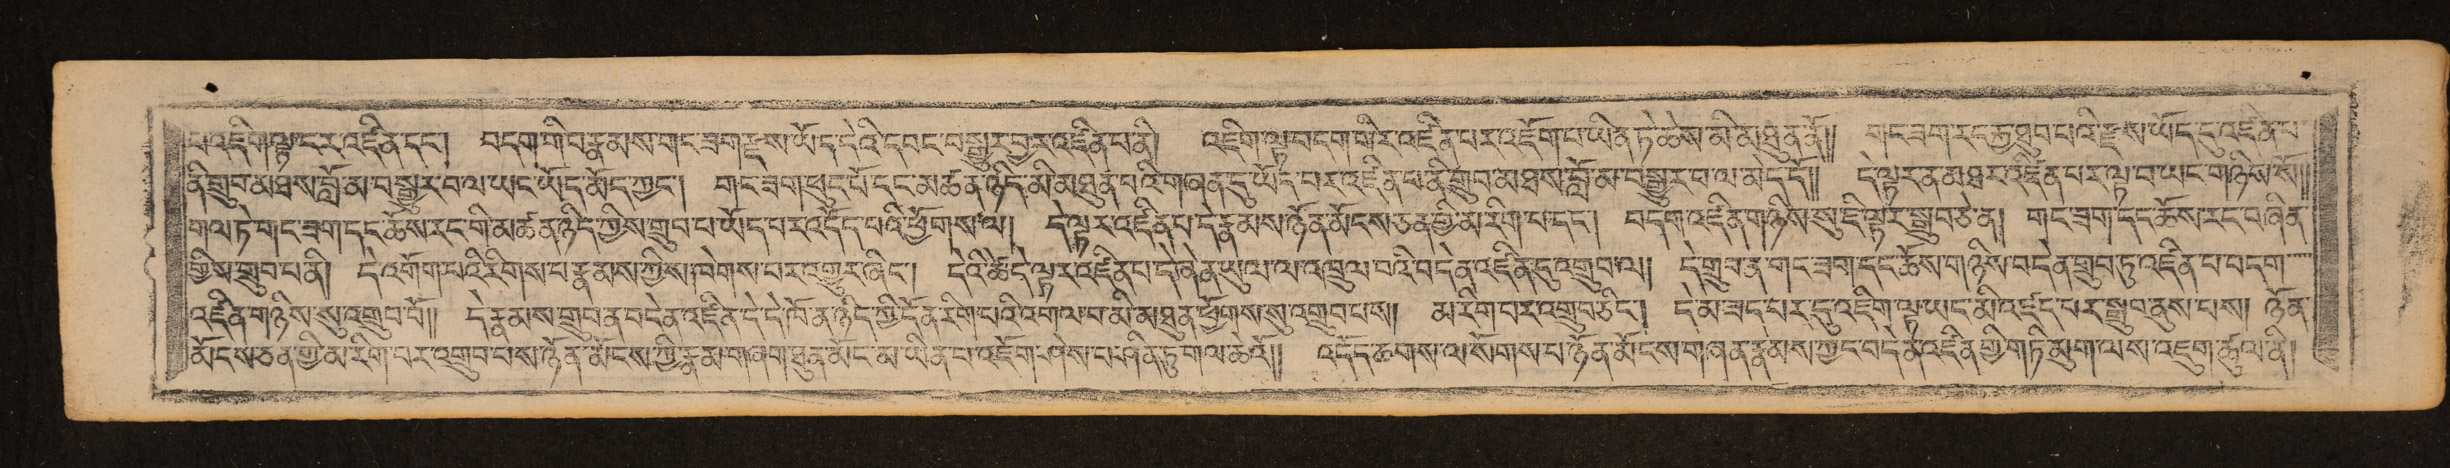པ་འཇིག་ལྟ་ངར་འཛིན་དང་། བདག་གི་བ་རྣམས་གང་ཟག་རྫས་ཡོད་དེའི་དབང་བསྒྱུར་བྱར་འཛིན་པ་ནི། འཇིག་ལྟ་བདག་གིར་འཛིན་པར་འཇོག་པ་ཡིན་ཏེ་ཆེས་མི་མཐུན་ནོ།། གང་ཟག་རང་རྐྱ་ཐུབ་པའི་རྫས་ཡོད་དུ་འཛིན་པ་
ནི་གྲུབ་མཐས་བློ་མ་བསྒྱུར་བ་ལ་ཡང་ཡོད་མོད་ཀྱང་། གང་ཟག་ཕུང་པོ་དང་མཚན་ཉིད་མི་མཐུན་པའི་གཞན་དུ་ཡོད་པར་འཛིན་པ་ནི་གྲུབ་མཐས་བློ་མ་བསྒྱུར་བ་ལ་མེད་དོ།། དེ་ལྟར་ན་མཐར་འཛིན་པར་ལྟ་བ་ཡང་གཉིས་སོ།།
གལ་ཏེ་གང་ཟག་དང་ཆོས་རང་གི་མཚན་ཉིད་ཀྱིས་གྲུབ་པ་ཡོད་པར་འདོད་པའི་ཕྱོགས་ལ། དེ་ལྟར་འཛིན་པ་དེ་རྣམས་ཉོན་མོངས་ཅན་གྱི་མ་རིག་པ་དང་། བདག་འཛིན་གཉིས་སུ་ཇི་ལྟར་སྒྲུབ་ཅེ་ན། གང་ཟག་དང་ཆོས་རང་བཞིན་
གྱིས་གྲུབ་པ་ནི། དེ་འགོག་པའི་རིགས་པ་རྣམས་ཀྱིས་ཁེགས་པར་འགྱུར་ཞིང་། དེའི་ཚེ་དེ་ལྟར་འཛིན་པ་དེ་ཞེན་ཡུལ་ལ་འཁྲུལ་པའི་བདེན་འཛིན་དུ་འགྲུབ་ལ། དེ་གྲུབ་ན་གང་ཟག་དང་ཆོས་གཉིས་བདེན་གྲུབ་ཏུ་འཛིན་པ་བདག་
འཛིན་གཉིས་སུ་འགྲུབ་བོ།། དེ་རྣམས་གྲུབ་ན་བདེན་འཛིན་དེ་དེ་ཁོ་ན་ཉིད་ཀྱི་དོན་རིག་པའི་འགལ་བ་མི་མཐུན་ཕྱོགས་སུ་འགྲུབ་པས། མ་རིག་པར་འགྲུབ་ཅིང་། དེ་མ་ཟད་པར་དུ་འཇིག་ལྟ་ཡང་མི་འཛད་པར་སྒྲུབ་ནུས་པས། ཉོན་
མོངས་ཅན་གྱི་མ་རིག་པར་འགྲུབ་པས་ཉོན་མོངས་ཀྱི་རྣམ་གཞག་ཐུན་མོང་མ་ཡིན་པ་འཇོག་ཤེས་པ་ཤིན་ཏུ་གལ་ཆེའོ།། འདོད་ཆགས་ལ་སོགས་པ་ཉོན་མོངས་གཞན་རྣམས་ཀྱང་བདེན་འཛིན་གྱི་གཏི་མུག་ལས་འཇུག་ཚུལ་ནི།